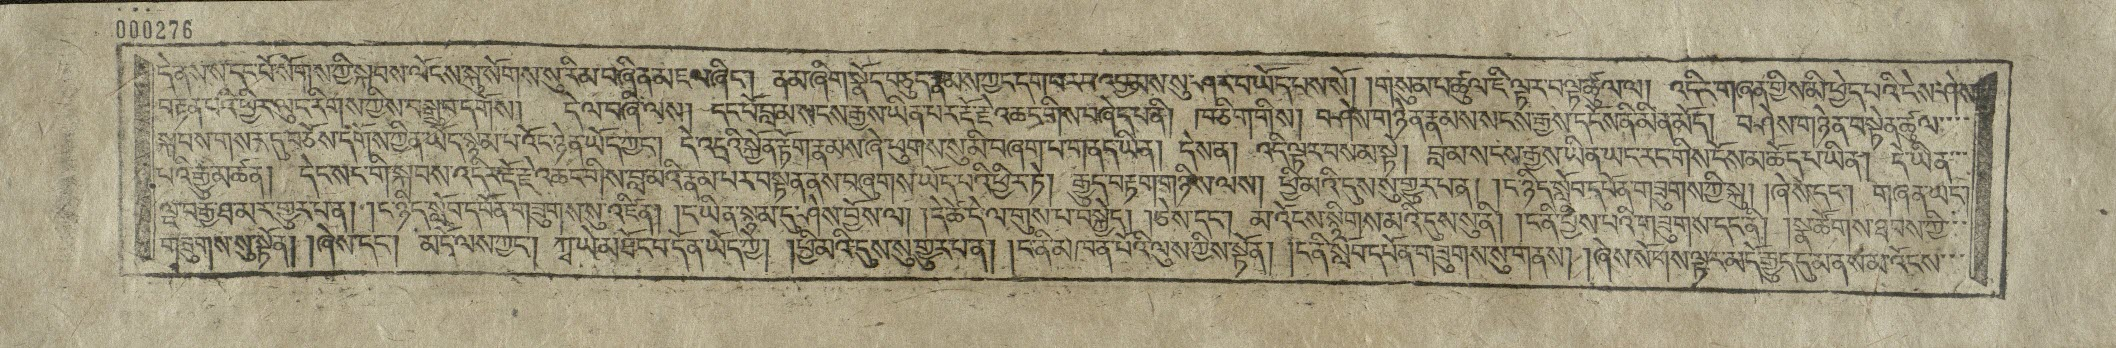དེ་ནས་ས་དང་པོ་སོགས་ཀྱི་སྐབས་ལོངས་སྐུ་སོགས་སུ་རིམ་བཞིན་མཇལ་ཞིང་། ནམ་ཞིག་སྣོད་བཅུད་རྣམས་ཀྱང་དག་པ་རབ་འབྱམས་སུ་ཤར་བ་ཡོད་པས་སོ། །གསུམ་པ་ཚུལ་ཇི་ལྟར་བལྟ་ཚུལ་ལ། འདིར་གཞན་གྱིས་མི་ཕྱེད་པའི་ངེས་ཤེས་
བརྟན་པའི་ཕྱིར་ལུང་རིགས་ཀྱིས་བསྒྲུབ་དགོས། དེ་ལ་བཞི་ལས། དང་པོ་བླ་མ་སངས་རྒྱས་ཡིན་པར་རྡོ་རྗེ་འཆང་གིས་བཞེད་པ་ནི། ཁ་ཅིག་གིས། བཤེས་གཉེན་རྣམས་སངས་རྒྱས་དངོས་ནི་མིན་མོད། བཤེས་གཉེན་བསྟེན་ཚུལ་
སྐབས་གསར་དུ་བཅོས་དགོས་ཀྱིན་ཡོད་སྙམ་པ་འོང་ཉེན་ཡོད་ཀྱང་། དེ་འདྲའི་སྐྱོན་རྟོག་རྣམས་ཞེ་ཕུགས་སུ་མི་བཞག་པ་གནད་ཡིན། དེས་ན། འདི་ལྟར་བསམ་སྟེ། བླ་མ་སངས་རྒྱས་ཡིན་ཡང་རང་གིས་ངོས་མཆོད་པ་ཡིན། དེ་ཡིན་
པའི་རྒྱུ་མཚན། དེང་སང་གི་སྐབས་འདིར་རྡོ་རྗེ་འཆང་གིས་བླ་མའི་རྣམ་པར་བསྟན་ནས་བཞུགས་ཡོད་པའི་ཕྱིར་ཏེ། རྒྱུད་བརྟག་གཉིས་ལས། ཕྱི་མའི་དུས་སུ་གྱུར་པ་ན། །ང་ཉིད་སློབ་དཔོན་གཟུགས་ཀྱི་སྐུ། །ཞེས་དང་། གཞན་ཡང་།
ལྔ་བརྒྱ་ཐ་མར་གྱུར་པ་ན། །ང་ཉིད་སློབ་དཔོན་གཟུགས་སུ་འཛིན། །ང་ཡིན་སྙམ་དུ་ཤེས་བྱོས་ལ། །དེ་ཚེ་དེ་ལ་གུས་པ་བསྐྱེད། །ཅེས་དང་། མ་འོངས་སྙིགས་མའི་དུས་སུ་ནི། །ང་ནི་བྱིས་པའི་གཟུགས་དང་ནི། །སྣ་ཚོགས་ཐབས་ཀྱི་
གཟུགས་སུ་སྟོན། །ཞེས་དང་། མདོ་ལས་ཀྱང་། ཀྭ་ཡེ་མཐོང་བ་དོན་ཡོད་ཀྱེ། །ཕྱི་མའི་དུས་སུ་གྱུར་པ་ན། །ང་ནི་མཁན་པོའི་ལུས་ཀྱིས་སྟོན། །ང་ནི་སློབ་དཔོན་གཟུགས་སུ་གནས། །ཞེས་སོགས་ལྟར་མདོ་རྒྱུད་དུ་མ་ནས་མ་འོངས་